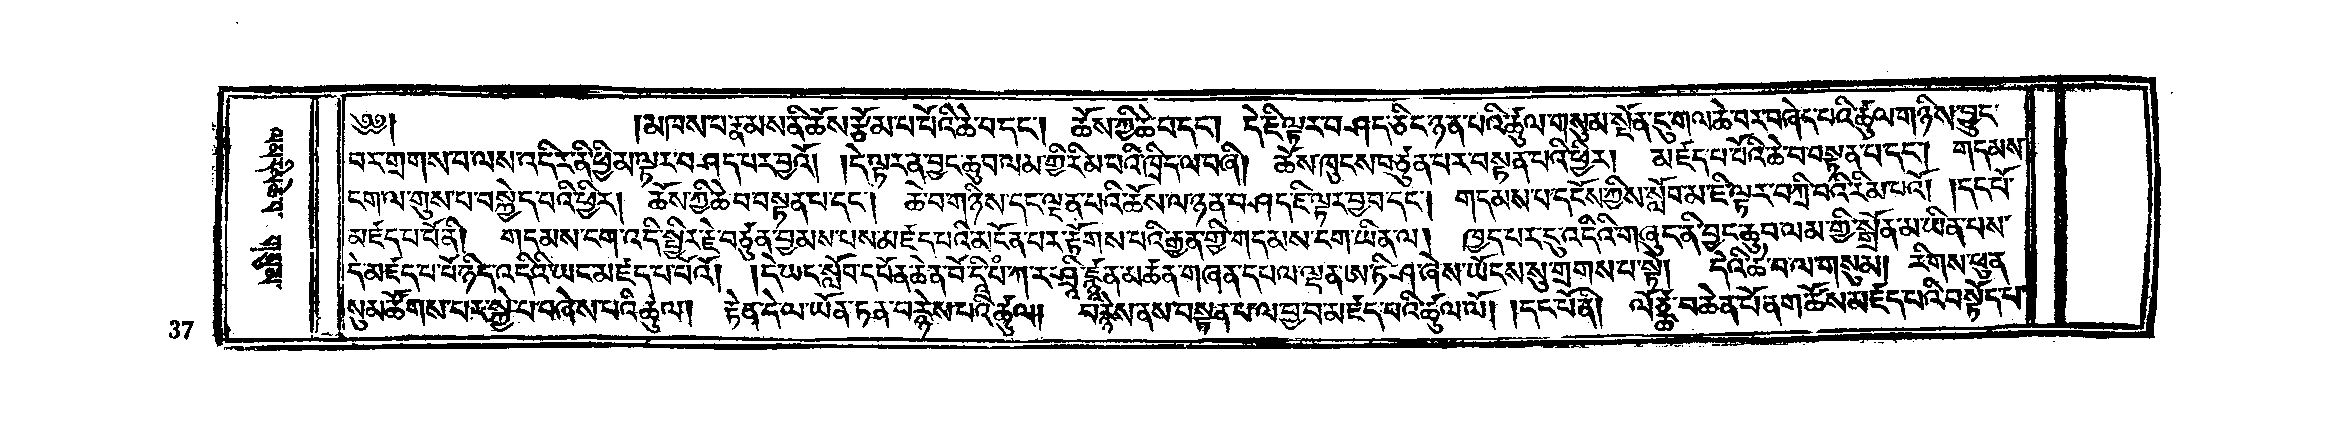༄༅། །མཁས་པ་རྣམས་ནི་ཆོས་རྩོམ་པ་པོའི་ཆེ་བ་དང་། ཆོས་ཀྱི་ཆེ་བ་དང་། དེ་ཇི་ལྟར་བཤད་ཅིང་ཉན་པའི་ཚུལ་གསུམ་སྔོན་དུ་གལ་ཆེ་བར་བཞེད་པའི་ཚུལ་གཉིས་བྱུང་
བར་གྲགས་པ་ལས་འདིར་ནི་ཕྱི་མ་ལྟར་བཤད་པར་བྱའོ། །དེ་ལྟར་ན་བྱང་ཆུབ་ལམ་གྱི་རིམ་པའི་ཁྲིད་ལ་བཞི། ཆོས་ཁུངས་བཙུན་པར་བསྟན་པའི་ཕྱིར། མཛད་པ་པོའི་ཆེ་བ་བསྟན་པ་དང་། གདམས་
ངག་ལ་གུས་པ་བསྐྱེད་པའི་ཕྱིར། ཆོས་ཀྱི་ཆེ་བ་བསྟན་པ་དང་། ཆེ་བ་གཉིས་དང་ལྡན་པའི་ཆོས་ལ་ཉན་བཤད་ཇི་ལྟར་བྱ་བ་དང་། གདམས་པ་དངོས་ཀྱིས་སློབ་མ་ཇི་ལྟར་བཀྲི་བའི་རིམ་པའོ། །དང་པོ་
མཛད་པ་པོ་ནི། གདམས་ངག་འདི་སྤྱིར་རྗེ་བཙུན་བྱམས་པས་མཛད་པའི་མངོན་པར་རྟོགས་པའི་རྒྱན་གྱི་གདམས་ངག་ཡིན་ལ། ཁྱད་པར་དུ་འདིའི་གཞུང་ནི་བྱང་ཆུབ་ལམ་གྱི་སྒྲོན་མ་ཡིན་པས་
དེ་མཛད་པ་པོ་ཉིད་འདིའི་ཡང་མཛད་པ་པོའོ། །དེ་ཡང་སློབ་དཔོན་ཆེན་པོ་དཱི་པཾ་ཀ་ར་ཤྲཱི་ཛྙཱ་ན་མཚན་གཞན་དཔལ་ལྡན་ཨ་ཏི་ཤ་ཞེས་ཡོངས་སུ་གྲགས་པ་སྟེ། དེའི་ཆེ་བ་ལ་གསུམ། རིགས་ཕུན་
སུམ་ཚོགས་པར་སྐྱེ་བ་བཞེས་པའི་ཚུལ། རྟེན་དེ་ལ་ཡོན་ཏན་བརྙེས་པའི་ཚུལ། བརྙེས་ནས་བསྟན་པ་ལ་བྱ་བ་མཛད་པའི་ཚུལ་ལོ། །དང་པོ་ནི། ལོཙྪ་བ་ཆེན་པོ་ནག་ཚོས་མཛད་པའི་བསྟོད་པ་